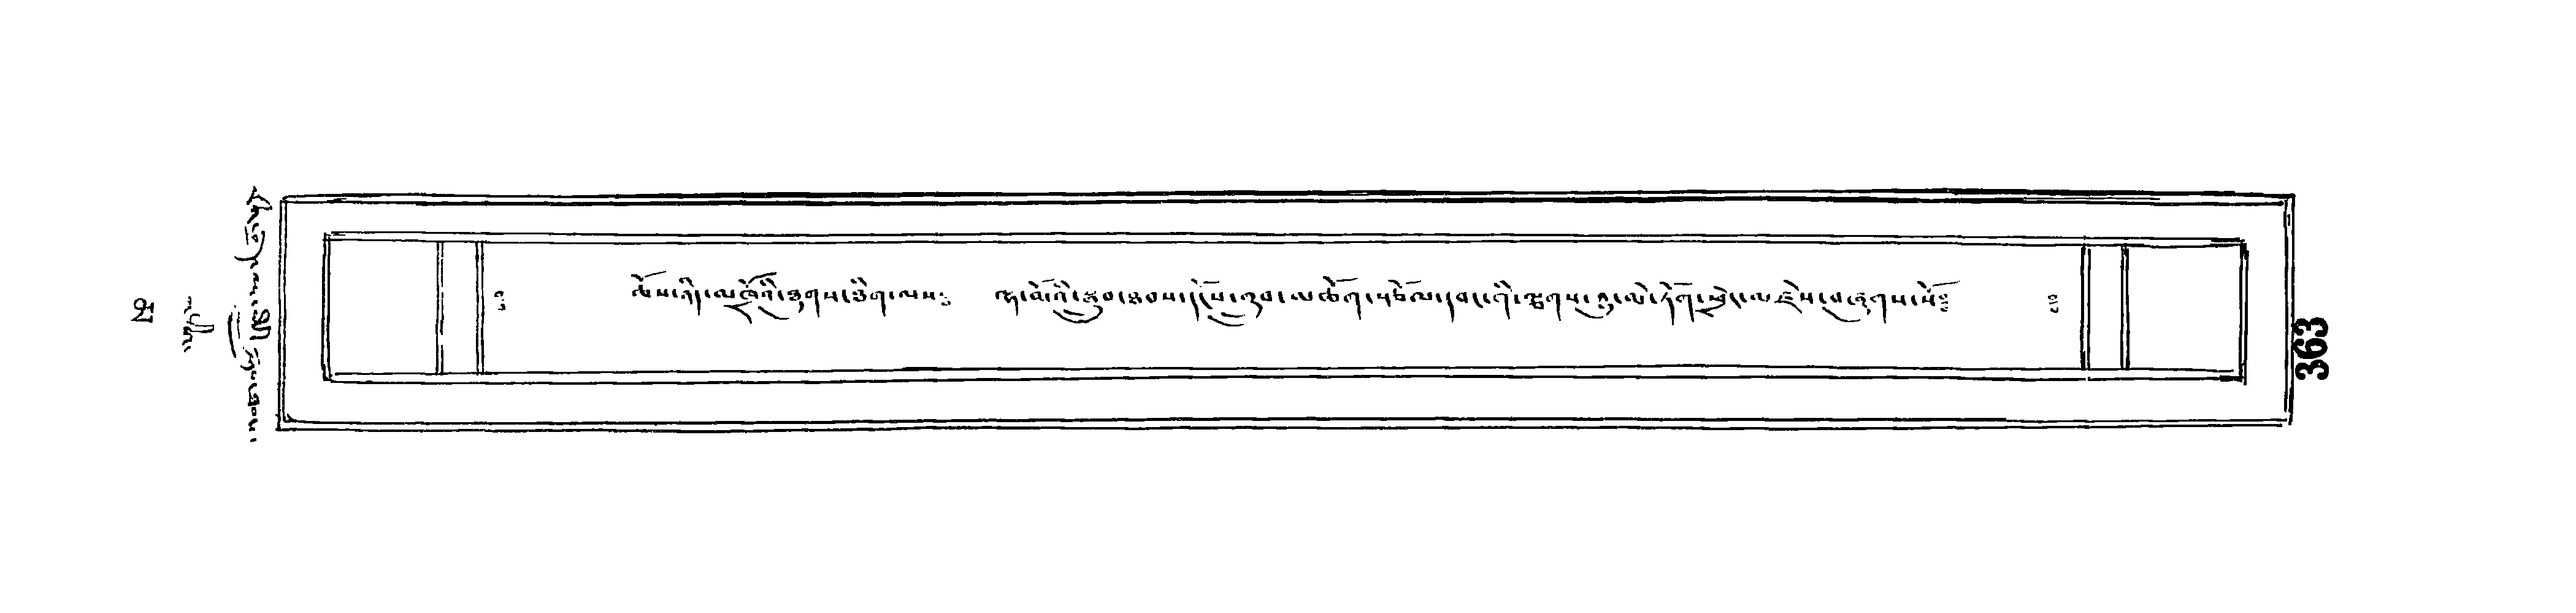ཆོས་ཉིད་མཁའ་འགྲོའི་ཐུགས་ཏིག་ལས༔ ལྷ་མོའི་སྒྲུབ་ཐབས་དངོས་གྲུབ་མཆོག་སྩོལ་དབང་གི་ལྕགས་ཀྱུ་མེ་ཏོག་ཕྲེང་མཛེས་བཞུགས་སོ༔